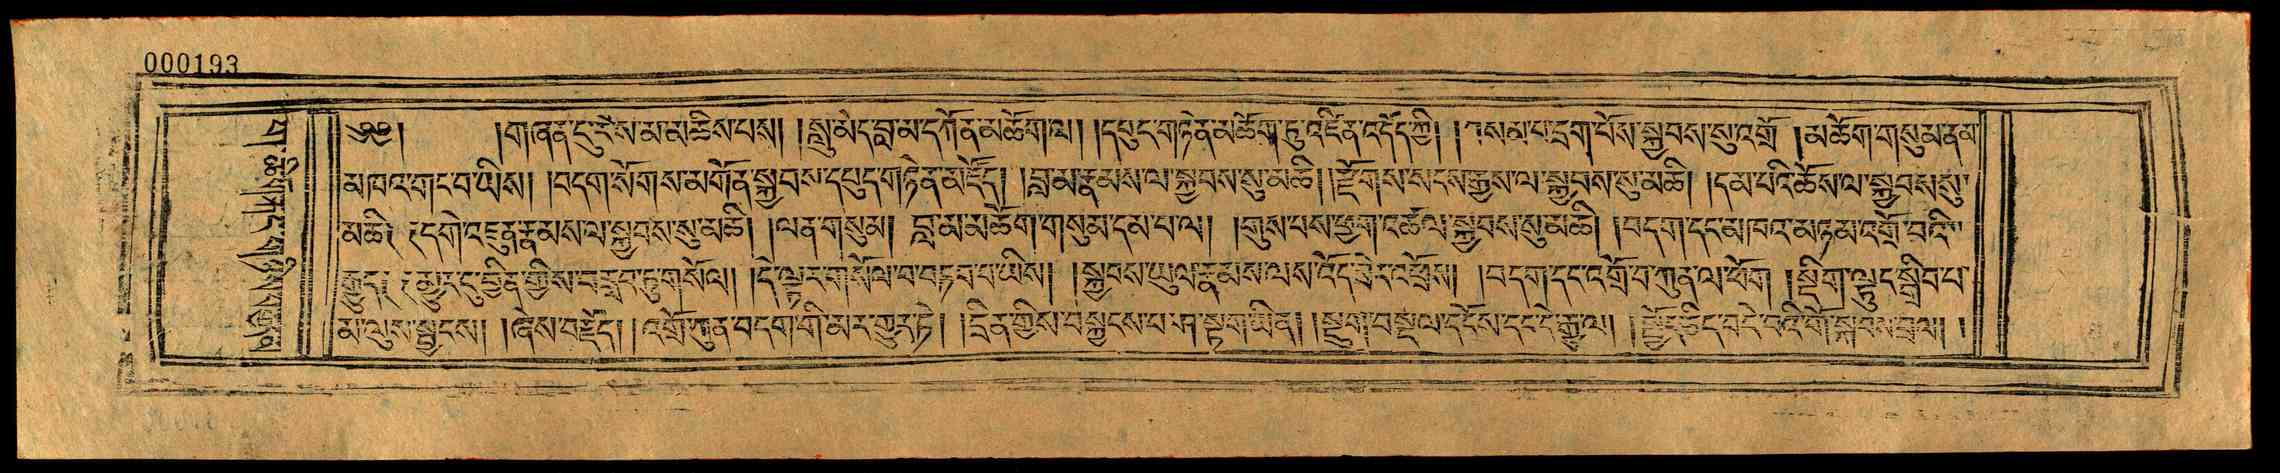༄༅། །གཞན་དུ་རེས་མ་མཆིས་པས། །སླུ་མེད་བླ་མ་དཀོན་མཆོག་ལ། །དཔུང་གཉེན་མཆོག་ཏུ་འཛིན་འདོད་ཀྱི། །བསམ་པ་དྲག་པོས་སྐྱབས་སུ་འགྲོ། །མཆོག་གསུམ་ནམ་
མཁའ་གང་བ་ཡིས། །བདག་སོགས་མགོན་སྐྱབས་དཔུང་གཉེན་མཛོད། །བླ་མ་རྣམས་ལ་སྐྱབས་སུ་མཆི། །རྫོགས་སངས་རྒྱས་ལ་སྐྱབས་སུ་མཆི། །དམ་པའི་ཆོས་ལ་སྐྱབས་སུ་
མཆི། །དགེ་འདུན་རྣམས་ལ་སྐྱབས་སུ་མཆི། །ལན་གསུམ། །བླ་མ་མཆོག་གསུམ་དམ་པ་ལ། །གུས་པས་ཕྱག་འཚལ་སྐྱབས་སུ་མཆི། །བདག་དང་མཁའ་མཉམ་འགྲོ་བའི་
རྒྱུད། །མྱུར་དུ་བྱིན་གྱིས་བརླབ་ཏུ་གསོལ། །དེ་ལྟར་གསོལ་བ་བཏབ་པ་ཡིས། །སྐྱབས་ཡུལ་རྣམས་ལས་འོད་ཟེར་འཕྲོས། །བདག་དང་འགྲོ་བ་ཀུན་ལ་ཕོག །སྡིག་ལྟུང་སྒྲིབ་པ་
མ་ལུས་སྦྱངས། །ཞེས་བརྗོད། །འགྲོ་ཀུན་བདག་གི་མར་གྱུར་ཏེ། །དྲིན་གྱིས་བསྐྱངས་པ་ཤ་སྟག་ཡིན། །སྡུག་བསྔལ་དངོས་དང་འདི་རྒྱུ་ལ། །སྤྱོད་ཅིང་བདེ་བའི་གོ་སྐབས་བྲལ། །